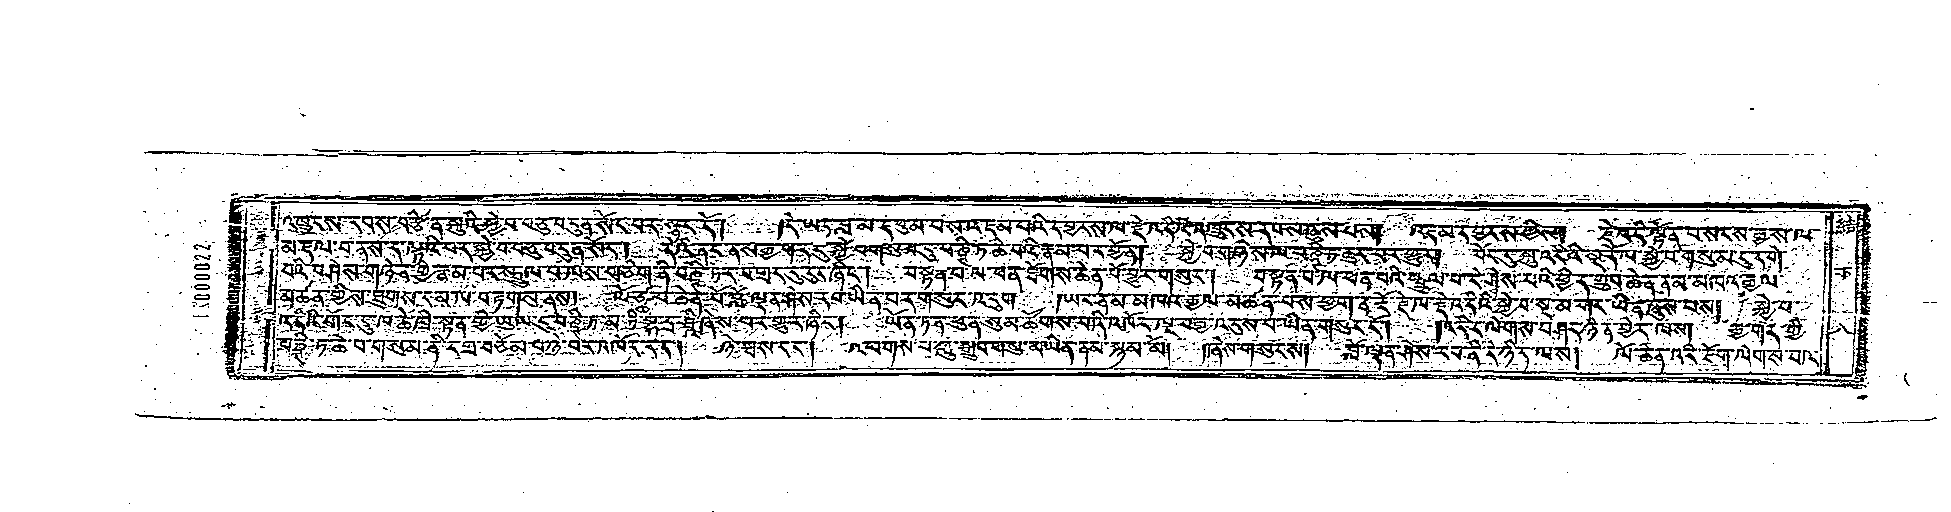འཁྲུངས་རབས་བརྩིན་སྐུའི་སྐྱེ་བ་བཅུ་བདུན་སོང་བར་སྣང་ངོ། །དེ་ཡང་བླ་མ་དབུ་མ་པས་འཇམ་པའི་དབྱངས་ལ་རྗེ་འདིའི་འཁྲུངས་རབས་ཞུས་པས། འཇམ་དབྱངས་ཀྱིས། རྗེ་འདི་ལྟོན་པ་སངས་རྒྱས་ལ་
མཇལ་བ་ནས་ད་ལྟའི་བར་སྐྱེ་བ་བཅུ་བདུན་སོང་། དེའི་ནང་ནས་རྒྱ་གར་དུ་སྐྱེ་བ་གསུམ་དུ་པཎྜི་ཏ་ཆེ་བའི་རྣམ་པར་བྱོན། སྐྱེ་བ་གཉིས་ལ་པཎྜི་ཏ་ཆུང་པར་གྱུར། བོད་དུ་སྐུ་འདིའི་སྔ་རོལ་སྐྱེ་བ་གསུམ་དུ་དགེ་
བའི་བཤེས་གཉེན་གྱི་རྣམ་པར་སྤྲུལ་པ་ལས་གཅིག་ནི་པཎྜི་ཏར་བགྲང་དུ་དུང་ཞིང་། བསྟན་པ་ལ་ཕན་ཐོགས་ཆེན་པོ་བྱུང་གསུང་། བསྟན་པ་ལ་ཕན་པའི་སྤྲུལ་པ་དེ་ཤེས་པའི་ཕྱིར་གྲུབ་ཆེན་ནམ་མཁའ་རྒྱལ་
མཚན་གྱིས་ཐུགས་དམ་ལ་བརྟགས་ནས། ལོ་ཙྪ་བ་ཆེན་པོ་བློ་ལྡན་ཤེས་རབ་ཡིན་པར་གསུངས་འདུག །ཡང་ནམ་མཁའ་རྒྱལ་མཚན་པས་ཕྱག་ན་རྡོ་རྗེ་ལ་རྗེ་འདིའི་སྐྱེ་བ་སྔ་མ་གང་ཡིན་ཞུས་པས། སྐྱེ་བ་
འདིའི་གོང་དུ་ཁ་ཆེ་ཁྲི་སྟན་གྱི་ཡུལ་དུ་པཎྜི་ཏ་མ་ཏི་བྷ་དྲ་ཤྲཱི་ཞེས་པར་གྱུར་ཞིང་། ཡོན་ཏན་ཕུན་སུམ་ཚོགས་པའི་འཁོར་ལྔ་བརྒྱ་འདུས་པ་ཡིན་གསུང་ངོ། །འདིར་ལེགས་བཤད་ཉིན་བྱེད་ལས། རྒྱ་གར་གྱི་
པཎྜི་ཏ་ཆེ་བ་གསུམ་ནི་དགྲ་བཅོམ་པ་ཉེ་བར་འཁོར་དང་། ཉེ་སྦས་དང་། འཕགས་པ་ཀླུ་སྒྲུབ་གསུམ་ཡིན་ནམ་སྙམ་མོ། །ཞེས་གསུངས། བློ་ལྡན་ཤེས་རབ་ནི་དེ་ཉིད་ལས། ལོ་ཆེན་འདི་རྔོག་ལེགས་པའི་